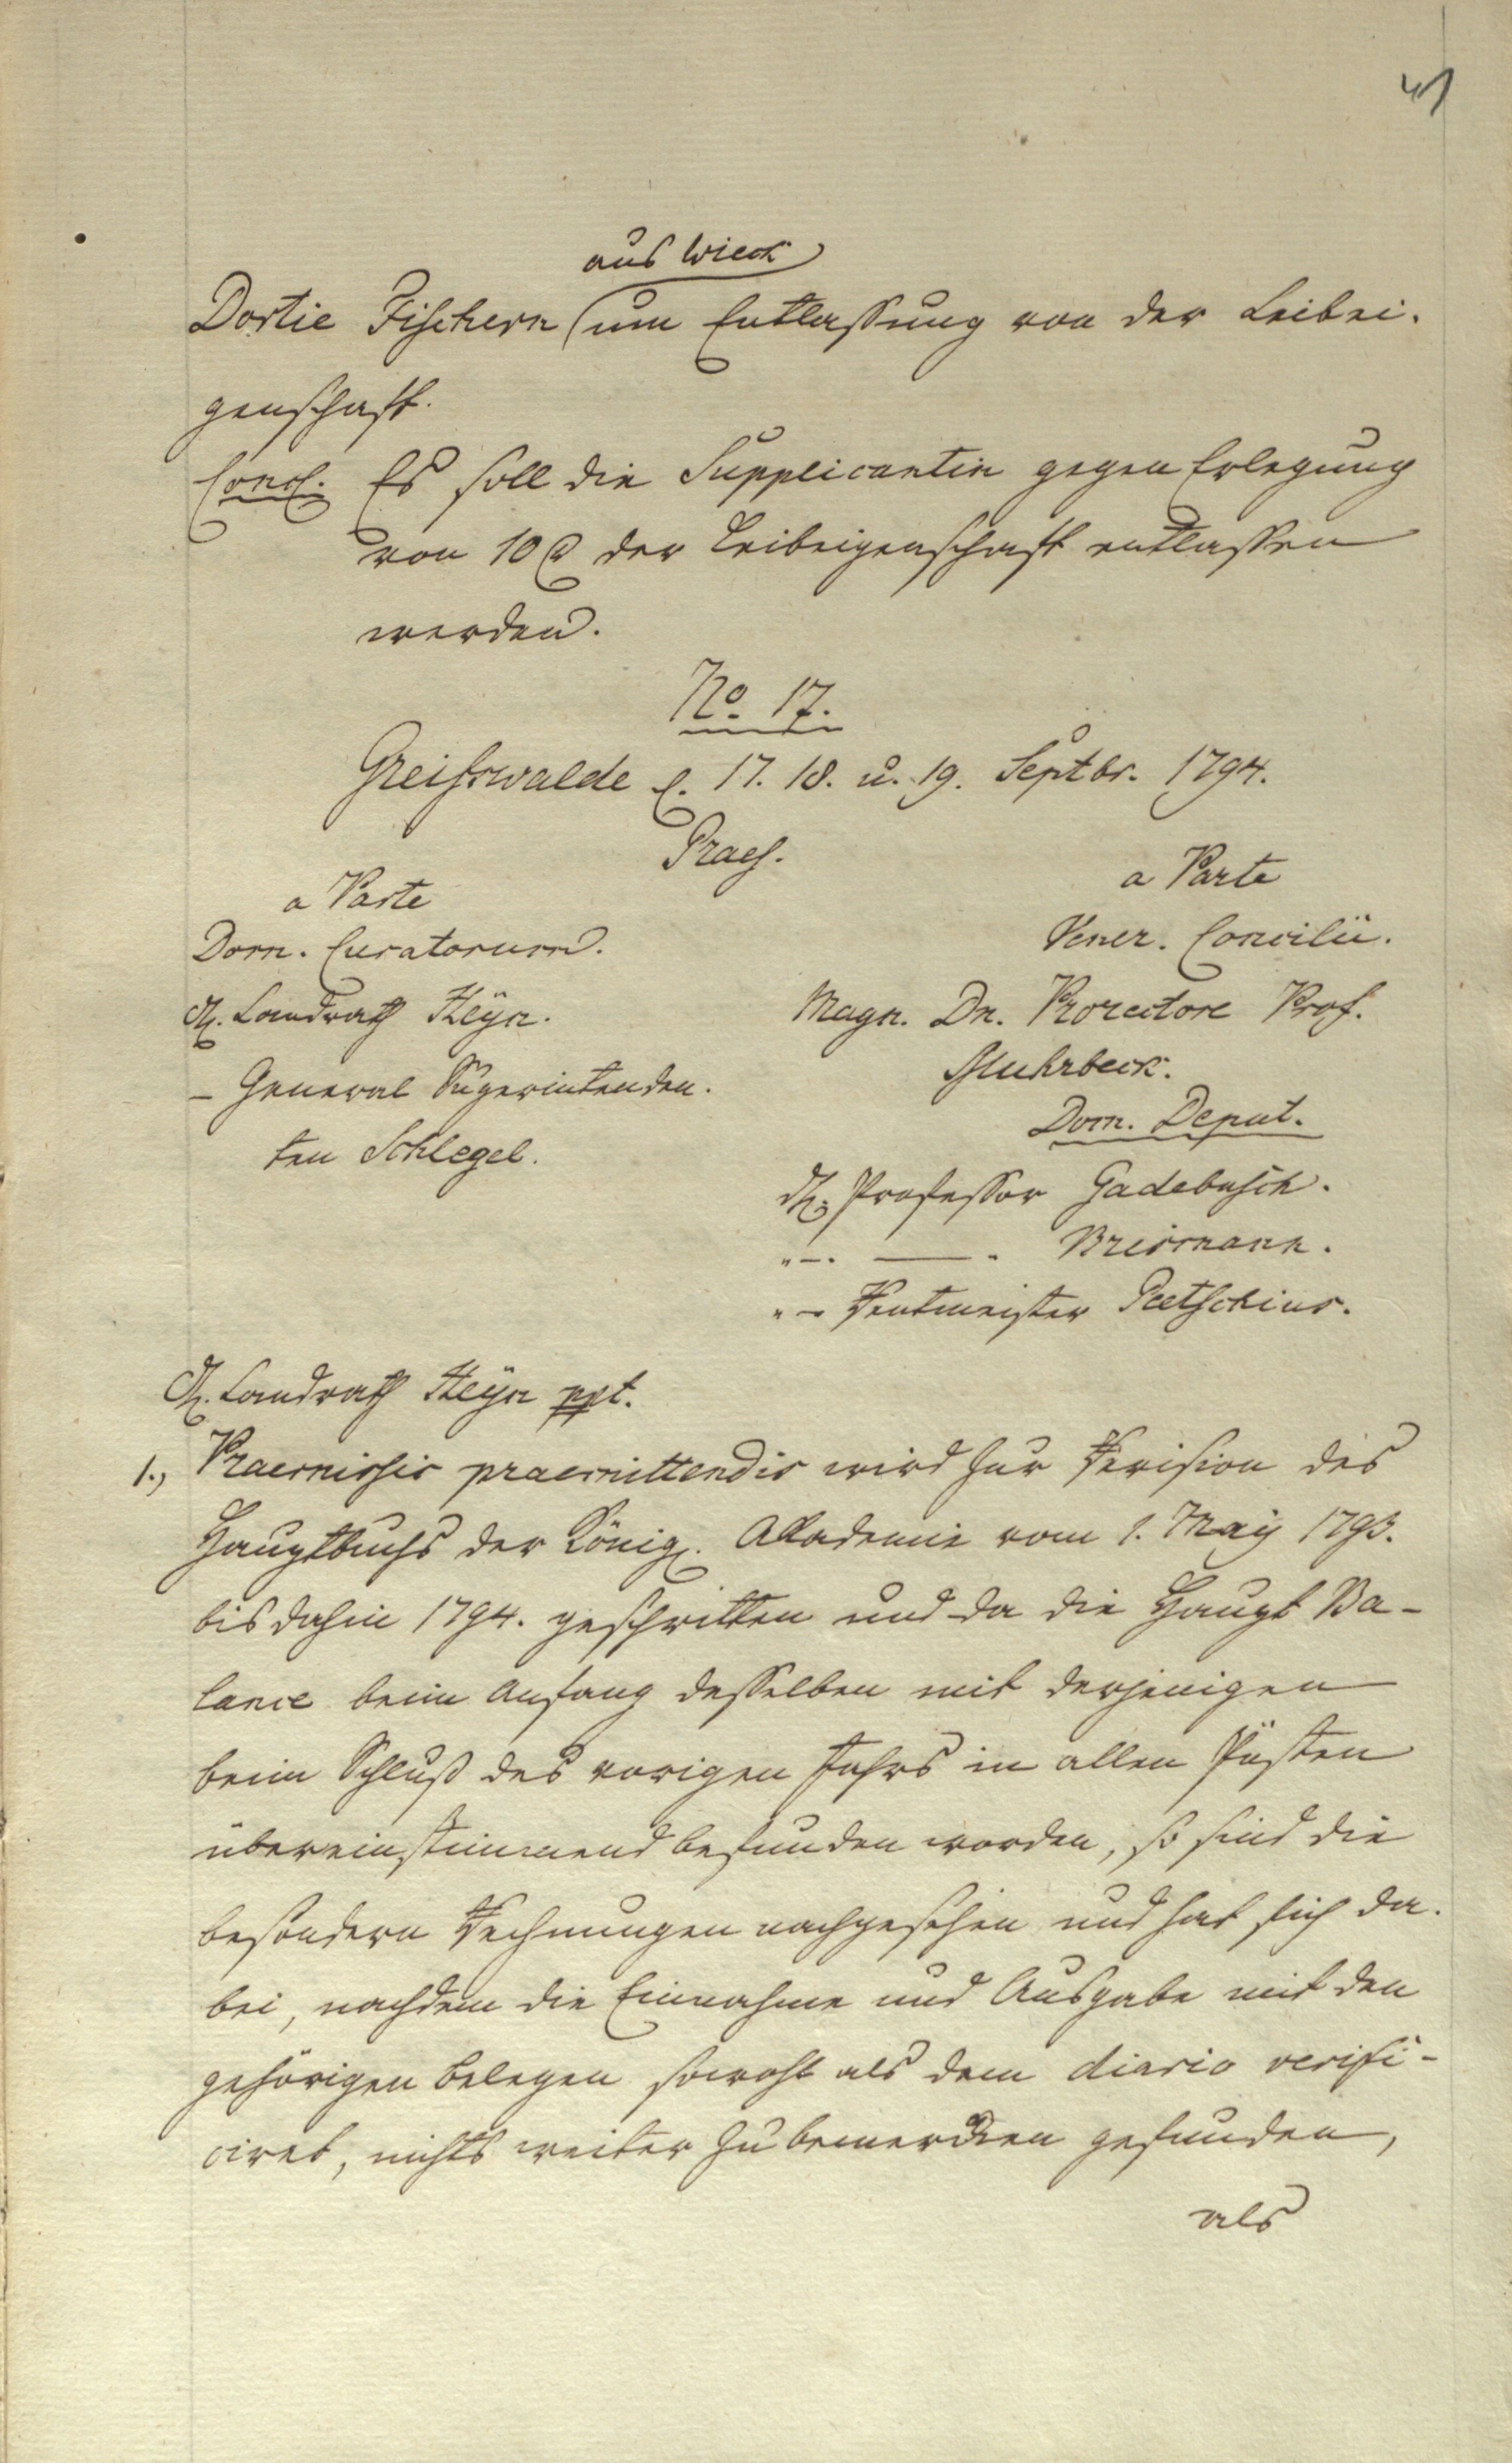Dortie Fischern aus Wieck um Entlassung von der Leibei¬
genschaft.
Concl. Es soll die Supplicantin gegen Erlegung
von 10 l der Leibeigenschaft entlassen
werden.
No 17.
Greifswalde d. 17. 18. u. 19. Septbr. 179.
a Parte Parte
Prof.
Dom. Curatorum. Vener. Concilii
dh Landrath Heyn. Magn. Dn. Proectore Prof.
General Superintenden. Muhrbeck.
Dom. Deput.
ten Schlegel.
dh. Professor Gadebusch
Brismann.
Rentmeister Peetschius.
dh. Landrath Heÿn ppt.
1., Praemissis praemittendis wird zur Revision des
Hauptbuchs der Königl. Akademie vom 1. Maÿ 1793.
bis dahin 1794. geschritten und da die Haupt Ba¬
lance beim Anfang desselben mit derjenigen
beim Schluß des vorigen Jahrs in allen Püsten
überenstimmend befunden worden, so sind die
besondern Rechnungen nachgesehen und hat sich da¬
bei, nachdem die Einnahme und Ausgabe mit den
gehörigen Belegen sowohl als dem diario verifi-
ciret, nicht weiter zu bemercken gefunden,
als